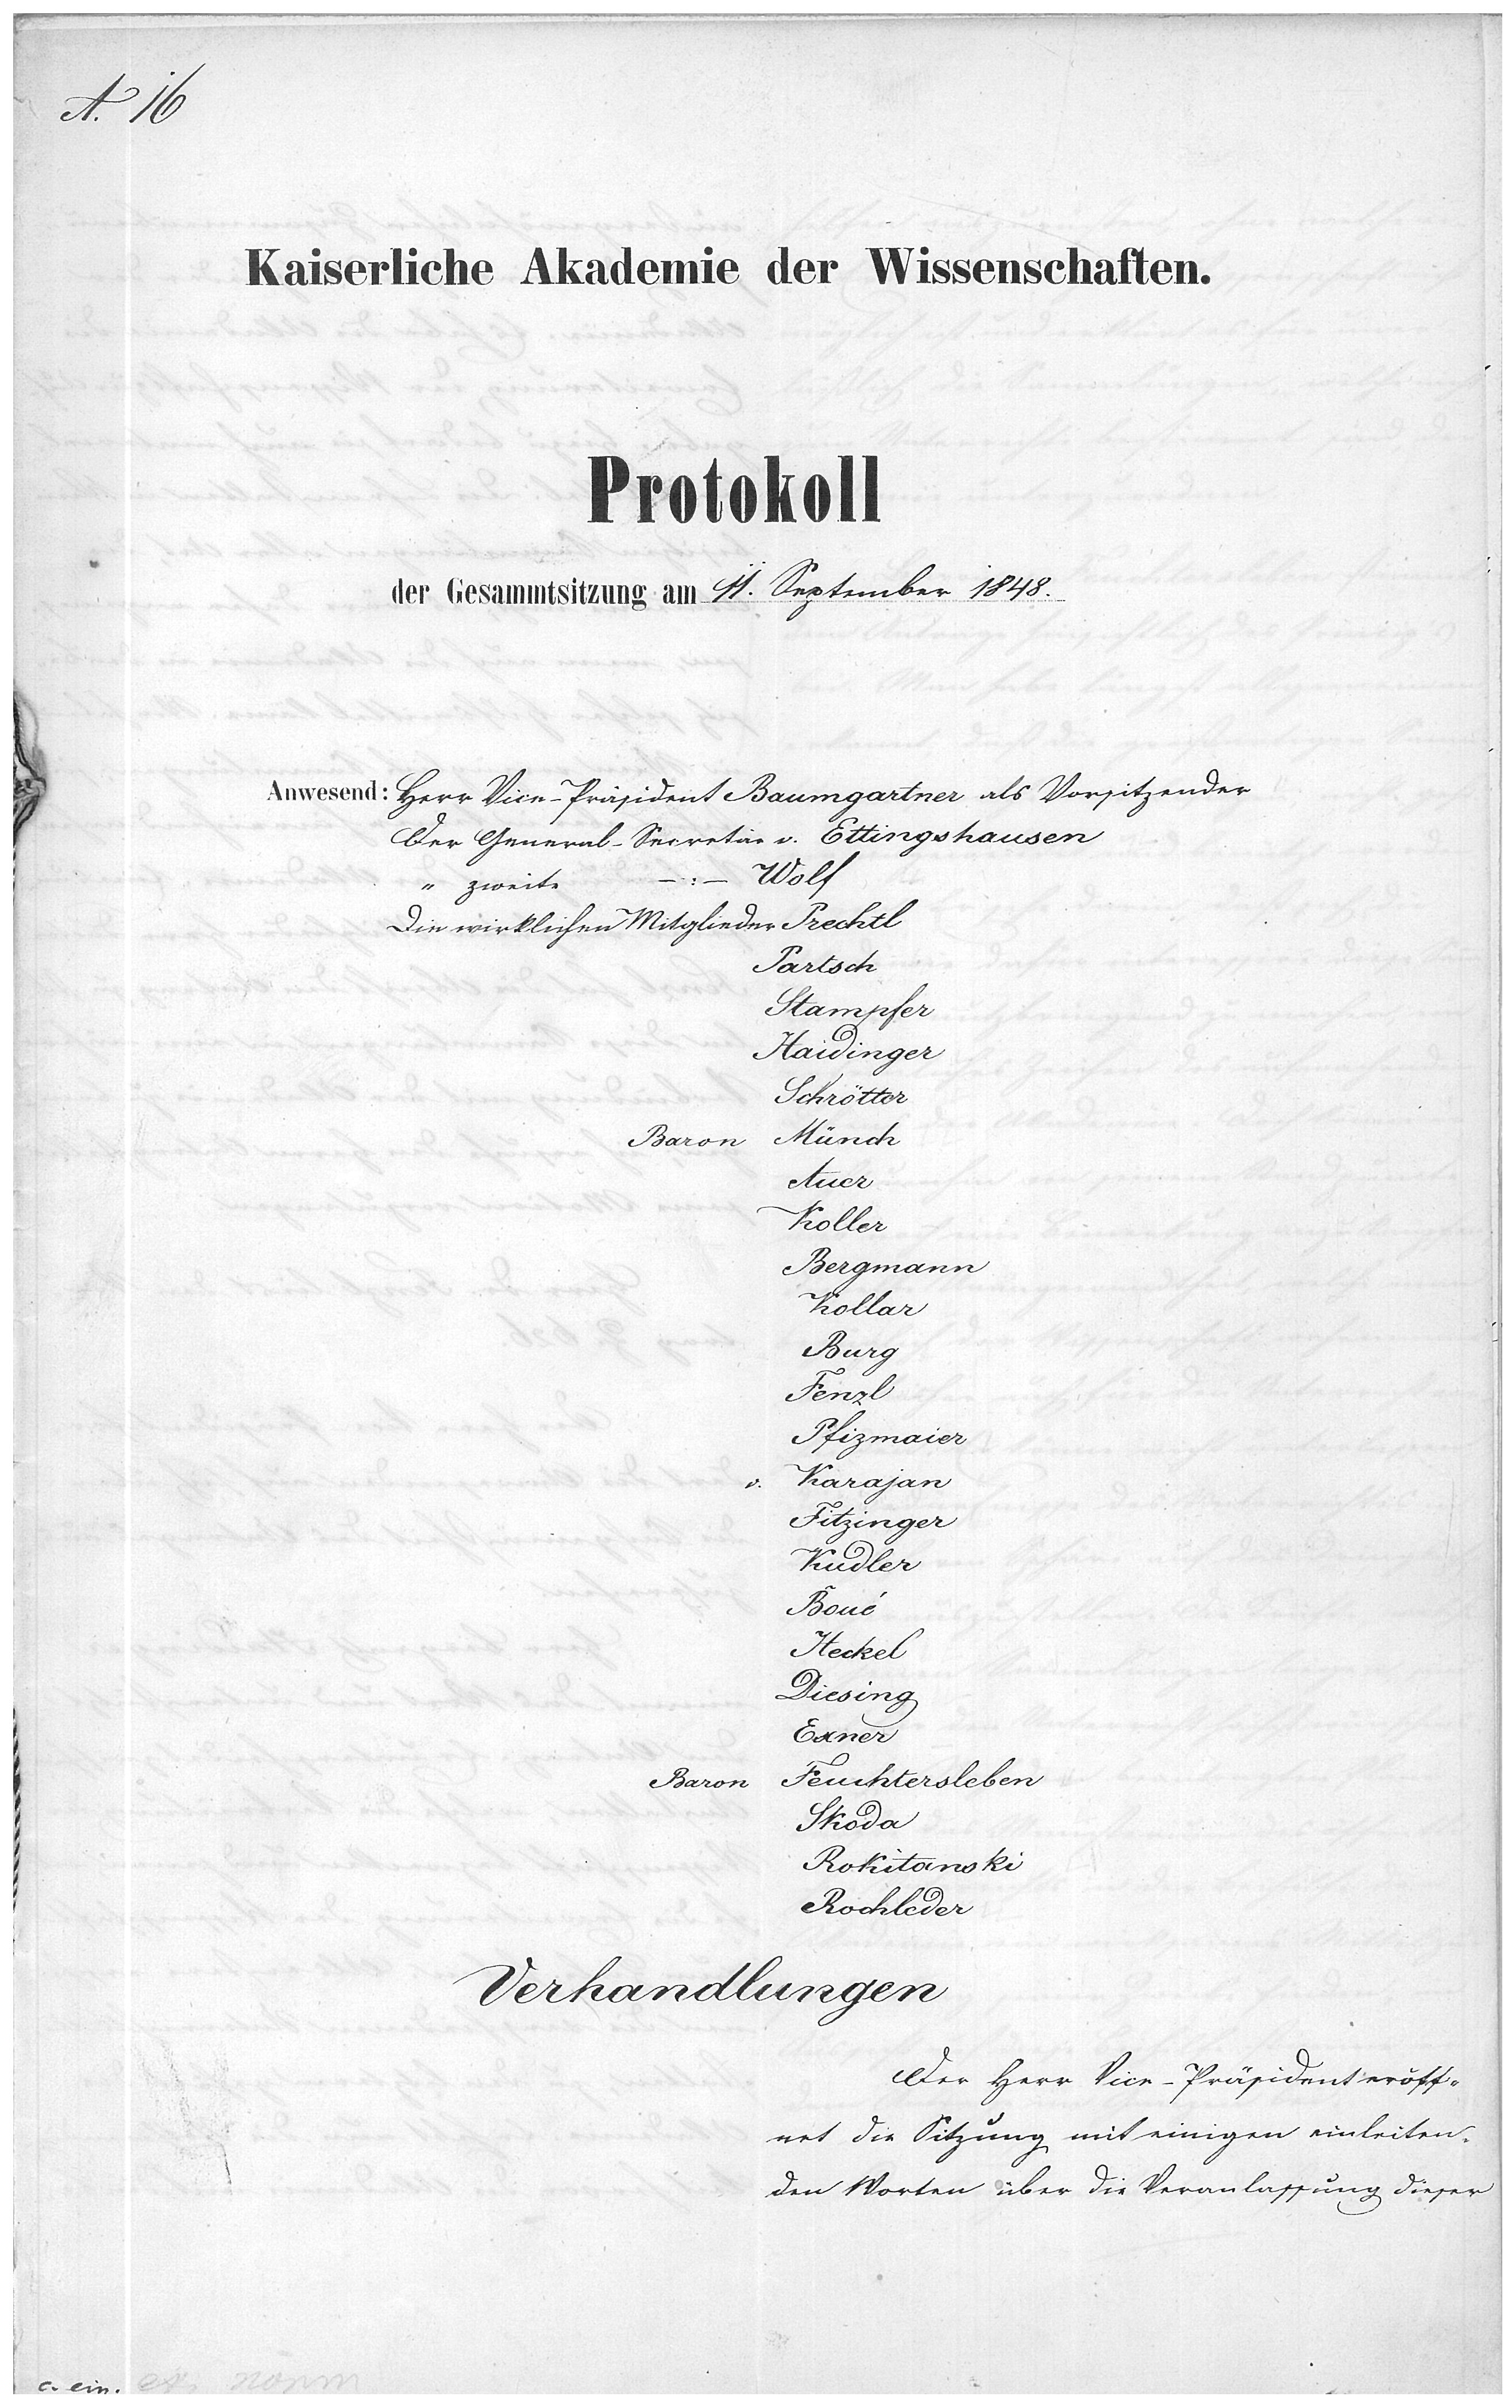A. 16
Kaiserliche Akademie der Wissenschaften.
Protokoll
der Gesammtsitzung am 11. September 1848
Anwesend: Herr Vice-Präsident Baumgartner als Vorsitzender
Der General-Secretär v. Ettingshausen
" zweite " Wolf
die wirklichen Mitglieder Prechtl
Partsch
Stampfer
Haidinger
Schrötter
Baron Münch
Auer
Koller
Bergmann
Kollar
Burg
Fenzl
Pfizmaier
v. Karajan
Fitzinger
Kudler
Boué
Heckel
Diesing
Exner
Baron Feuchtersleben
Skoda
Rokitanski
Rochleder
Verhandlungen
Der Herr Vice-Präsident eröff-
net die Sitzung mit einzigen einleiten-
den Worte über die Veranlassung dieser